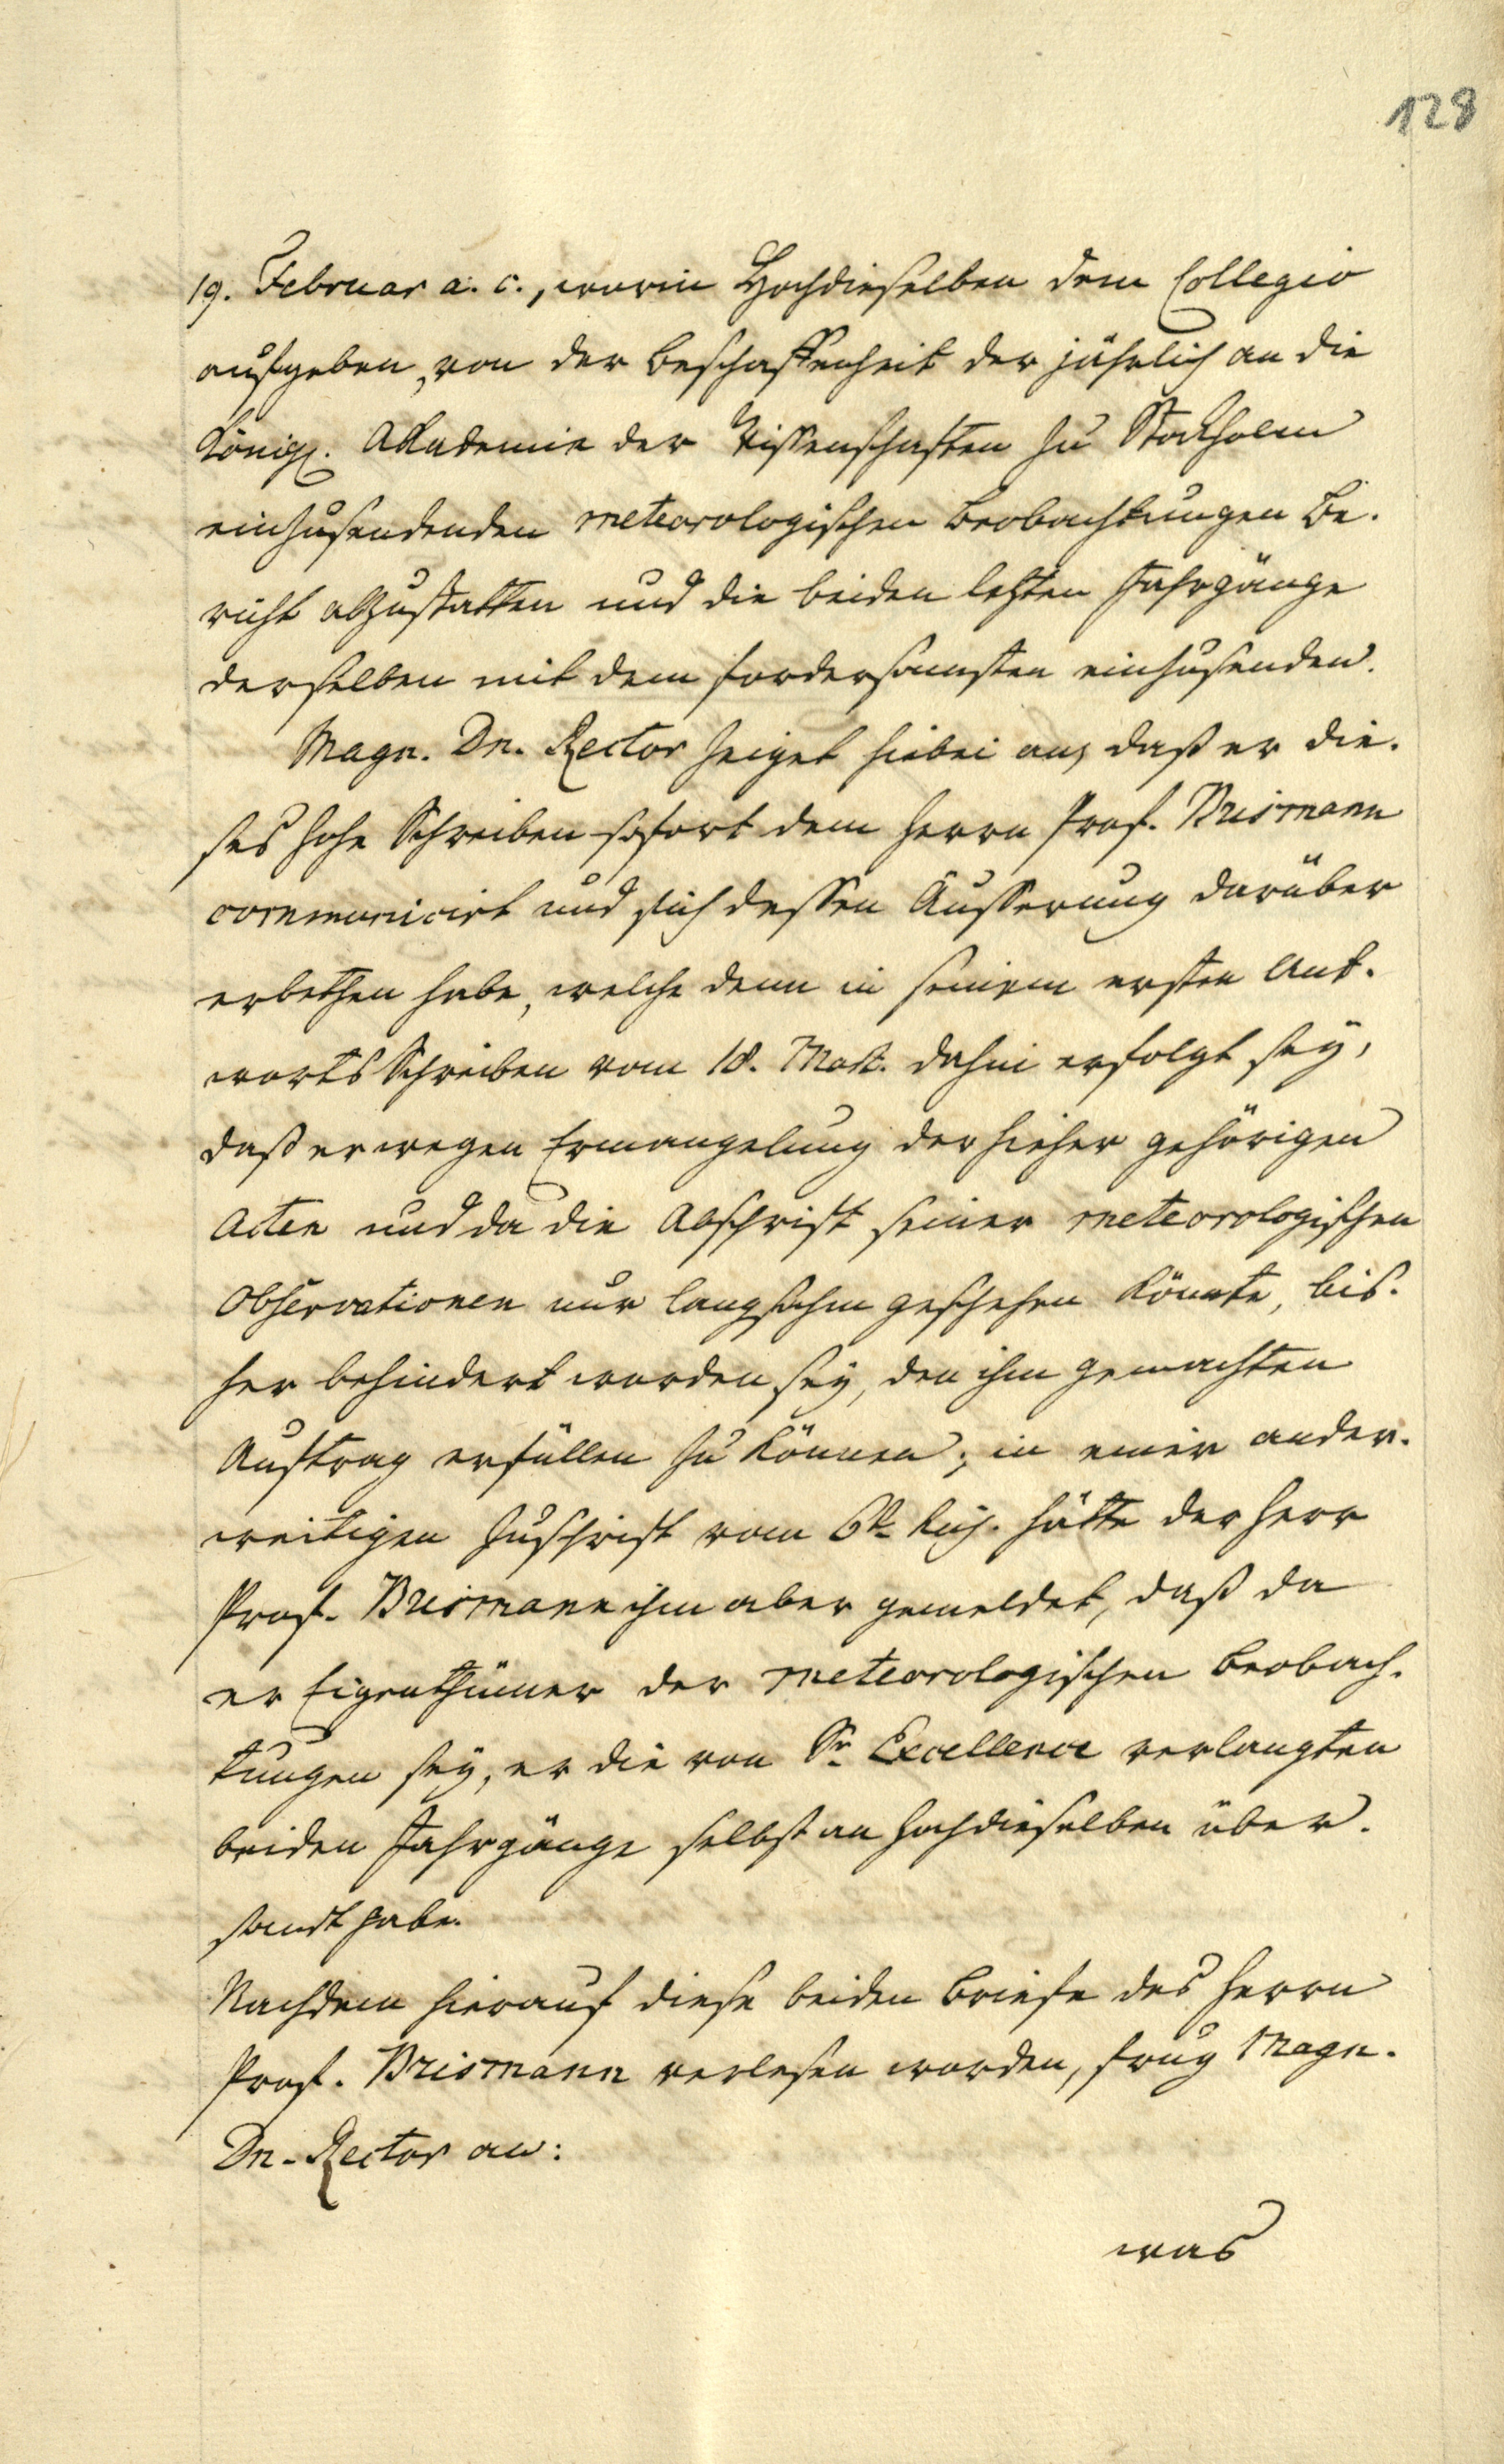19. Februar a. c., worin Hochdieselben dem Collegio
aufgeben, von der Beschaffenheit der jährlich an die
Königl. Akademie der Wissenschaften zu Stockholm
einzusendenden meteorologischen Beobachtungen Be¬
richt abzustatten und die beiden letzten Jahrgänge
derselben mit dem fordersamsten einzusenden.
Magn. Dn. Rector zeiget hiebei an, daß er die¬
ses hohe Schreiben sofort dem Herrn Prof. Brismann
communicirt und sich dessen Äusserung darüber
erbethen habe, welche denn in seinem ersten Ant¬
worts Schreiben vom 18. Mart. dahin erfolgt seÿ,
daß er wegen Ermangelung der hieher gehörigen
Acten und da die Abschrift seiner meteorologischen
Observationen nur langsahm geschehen könnte, bis¬
her behindert worden seÿ, den ihm gemachten
Auftrag erfüllen zu können; in einer ander¬
weitigen Zuschrift vom 6 huj. hätte der Herr
Prof. Brismann ihm aber gemeldet, daß da
er Eigenthümer der meteorologischen Beobach¬
tungen seÿ, er die von Sr Excellence verlangten
beiden Jahrgänge selbst an Hochdieselben über-
sandt habe.
Nachdem hierauf diese beiden Briefe des Herrn
Prof. Brismann verlesen worden, frug Magn.
Dn. Rector an:
was